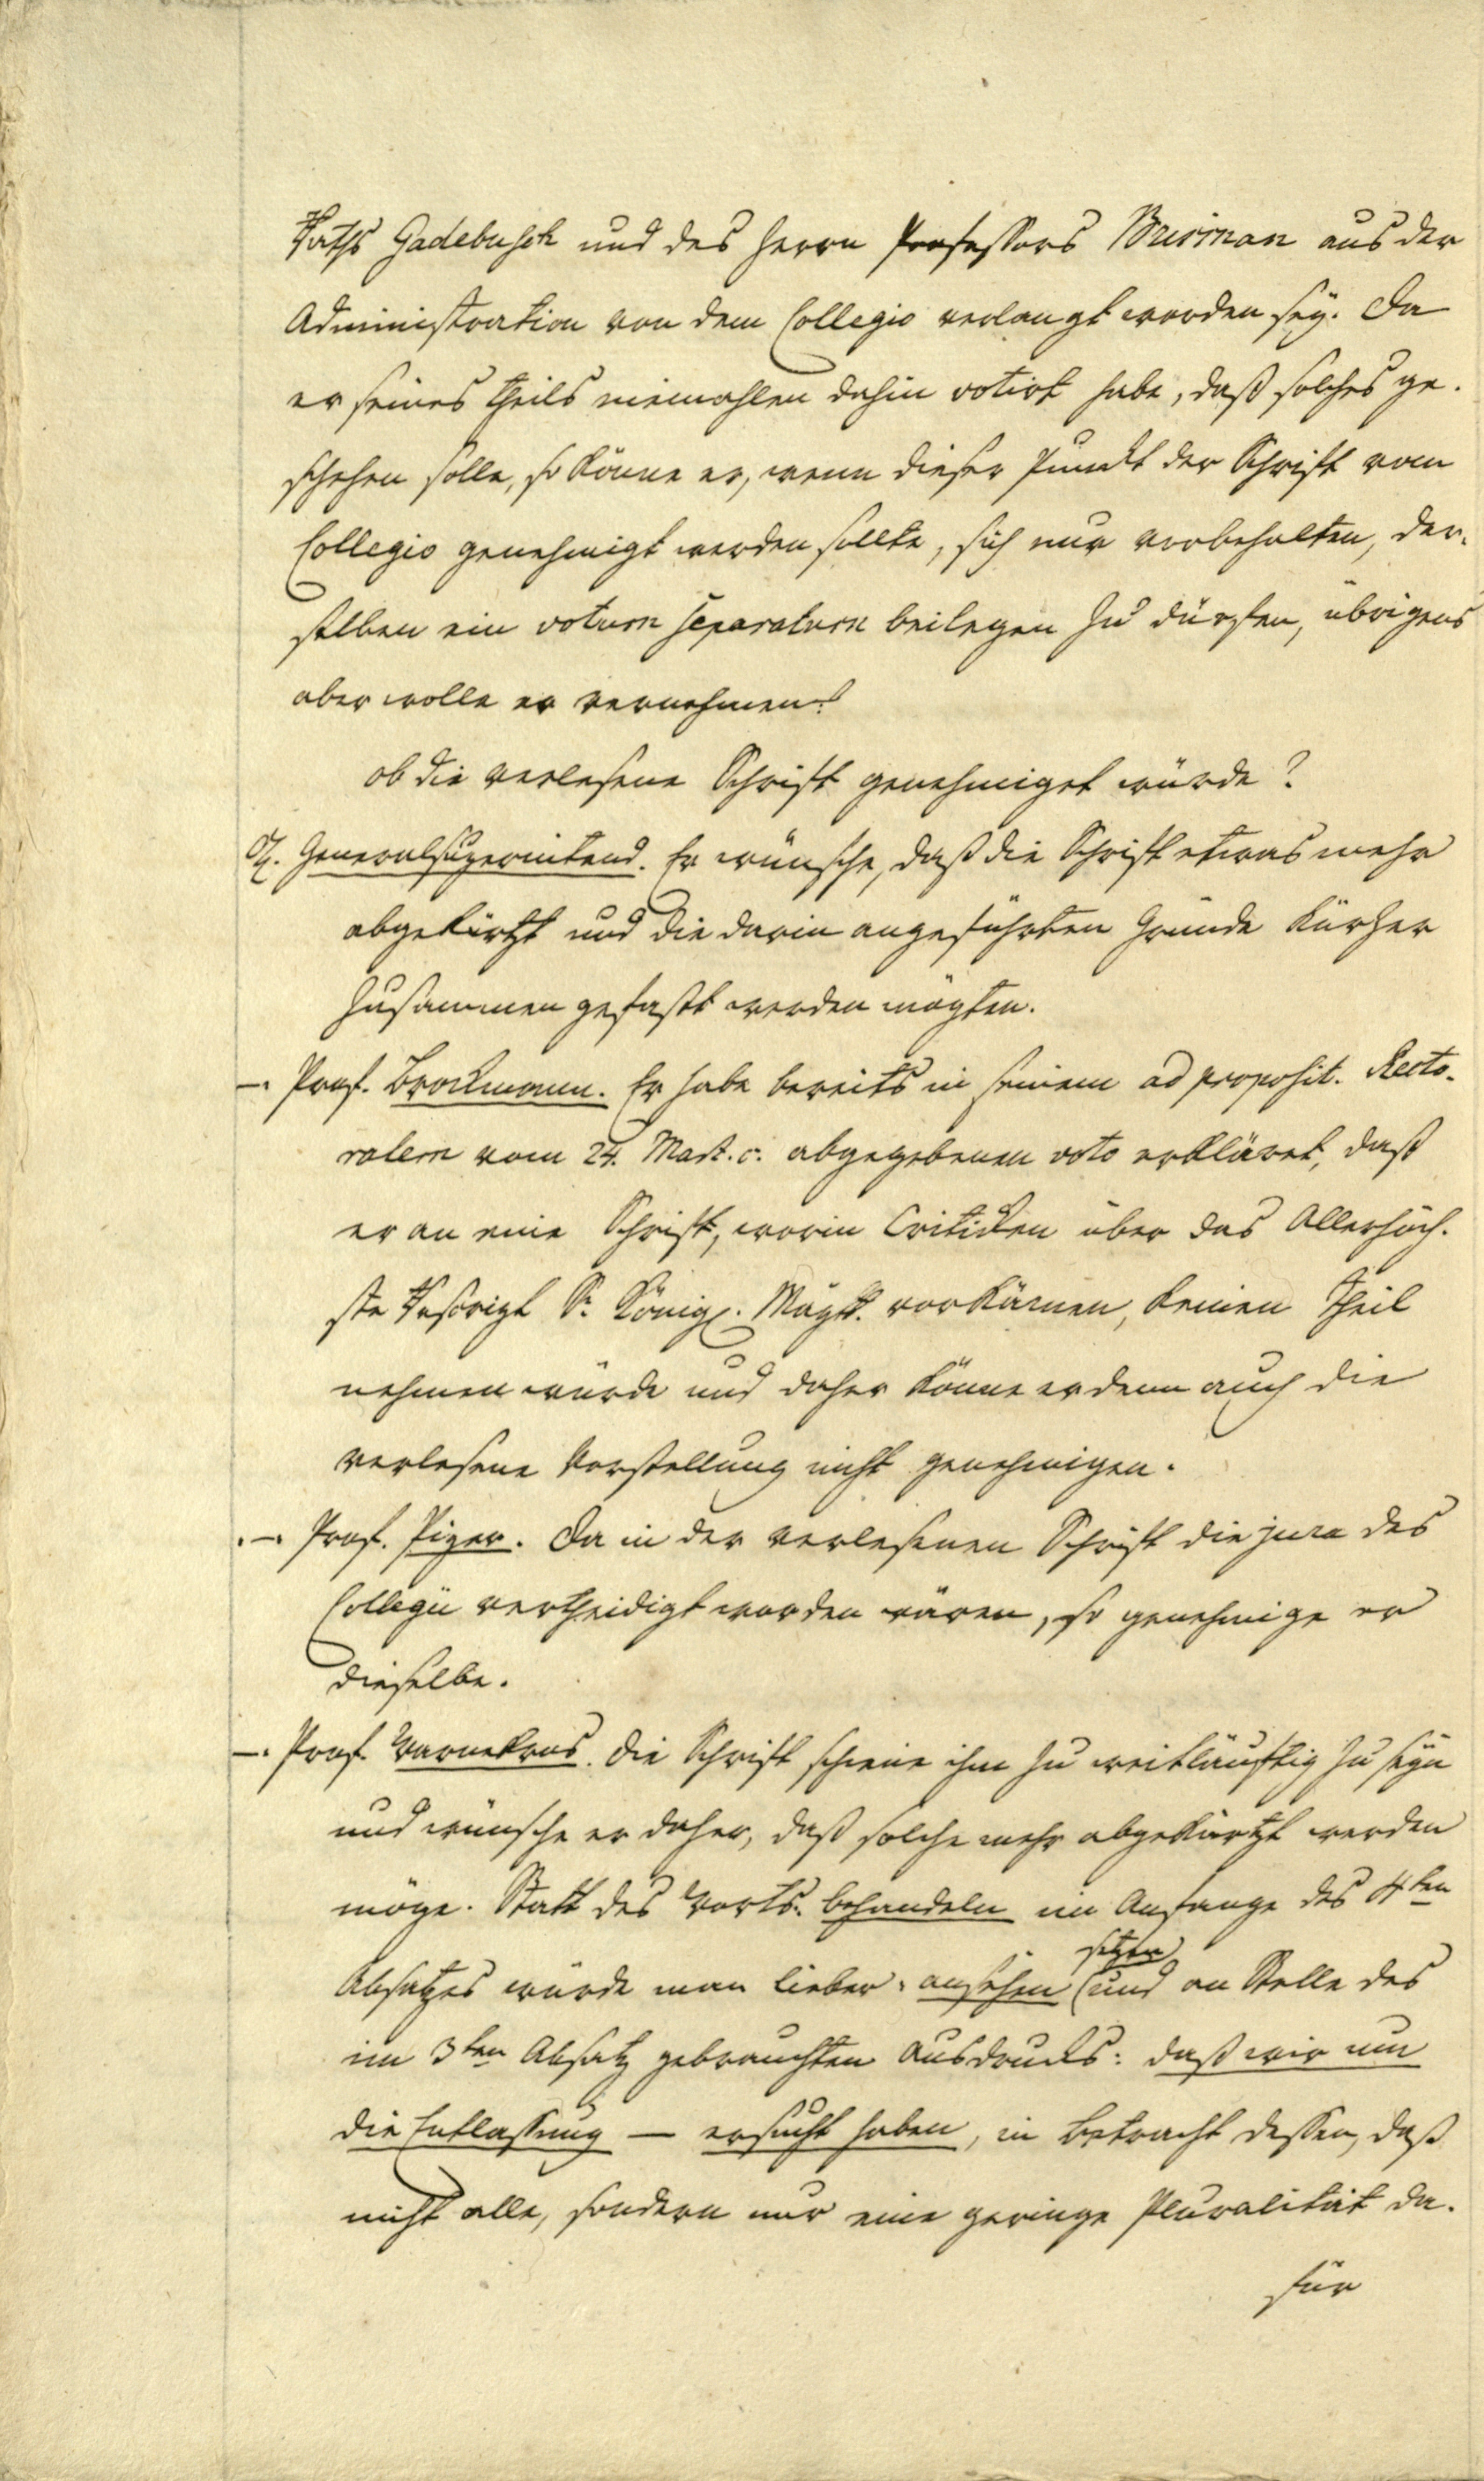Raths Gadebusch und des Herrn Professors Brisman aus der
Administration von dem Collegio verlangt worden seÿ. Da
er seines theils niemahlen dahin votirt habe, daß solches ge¬
schehen solle, so könne er, wenn dieser Punckt der Schrift vom
Collegio genehmigt werden sollte, sich nur vorbehalten, der¬
selben ein votum separatum beilegen zu dürfen, übrigens
aber wolle er vernehmen:
ob die verlesene Schrift genehmiget würde?
dh. Generalsuperintend. Er wünsche, daß die Schrift etwas mehr
abgekürtzt und die darin angeführten Gründe kürzer
zusammen gefaßt werden mögten.
Prof. Brockmann. Er habe bereits in seinem ad proposit. Recto¬
ralem vom 24. Mart c. abgegebenen voto erkläret, daß
er an eine Schrift, worin Criticken über das Allerhöch¬
ste Rescript Sr. Königl. Maÿtt. vorkämen, keinen Theil
nehmen würde und daher könne er denn auch die
verlesene Vorstellung nicht genehmigen.
Prof. Piper. Da in der verlesenen Schrift die jura des
Collegii vertheidigt worden wären, so genehmige er
dieselbe.
Prof. Warnekros. Die Schrift scheine ihm zu weitläuftig zu seÿn
und wünsche er daher, daß solche mehr abgekürtzt werden
möge. Statt des Worts: behandeln im Anfange des 4. ten
Absatzes würde man lieber: ansehen setzen und an Stelle des
im 3 ten Absatz gebrauchten Ausdrucks: daß wir um
die Entlassung - ersucht haben, in Betracht dessen, daß
nicht alle, sondern nur eine geringe Pluralität da¬
für